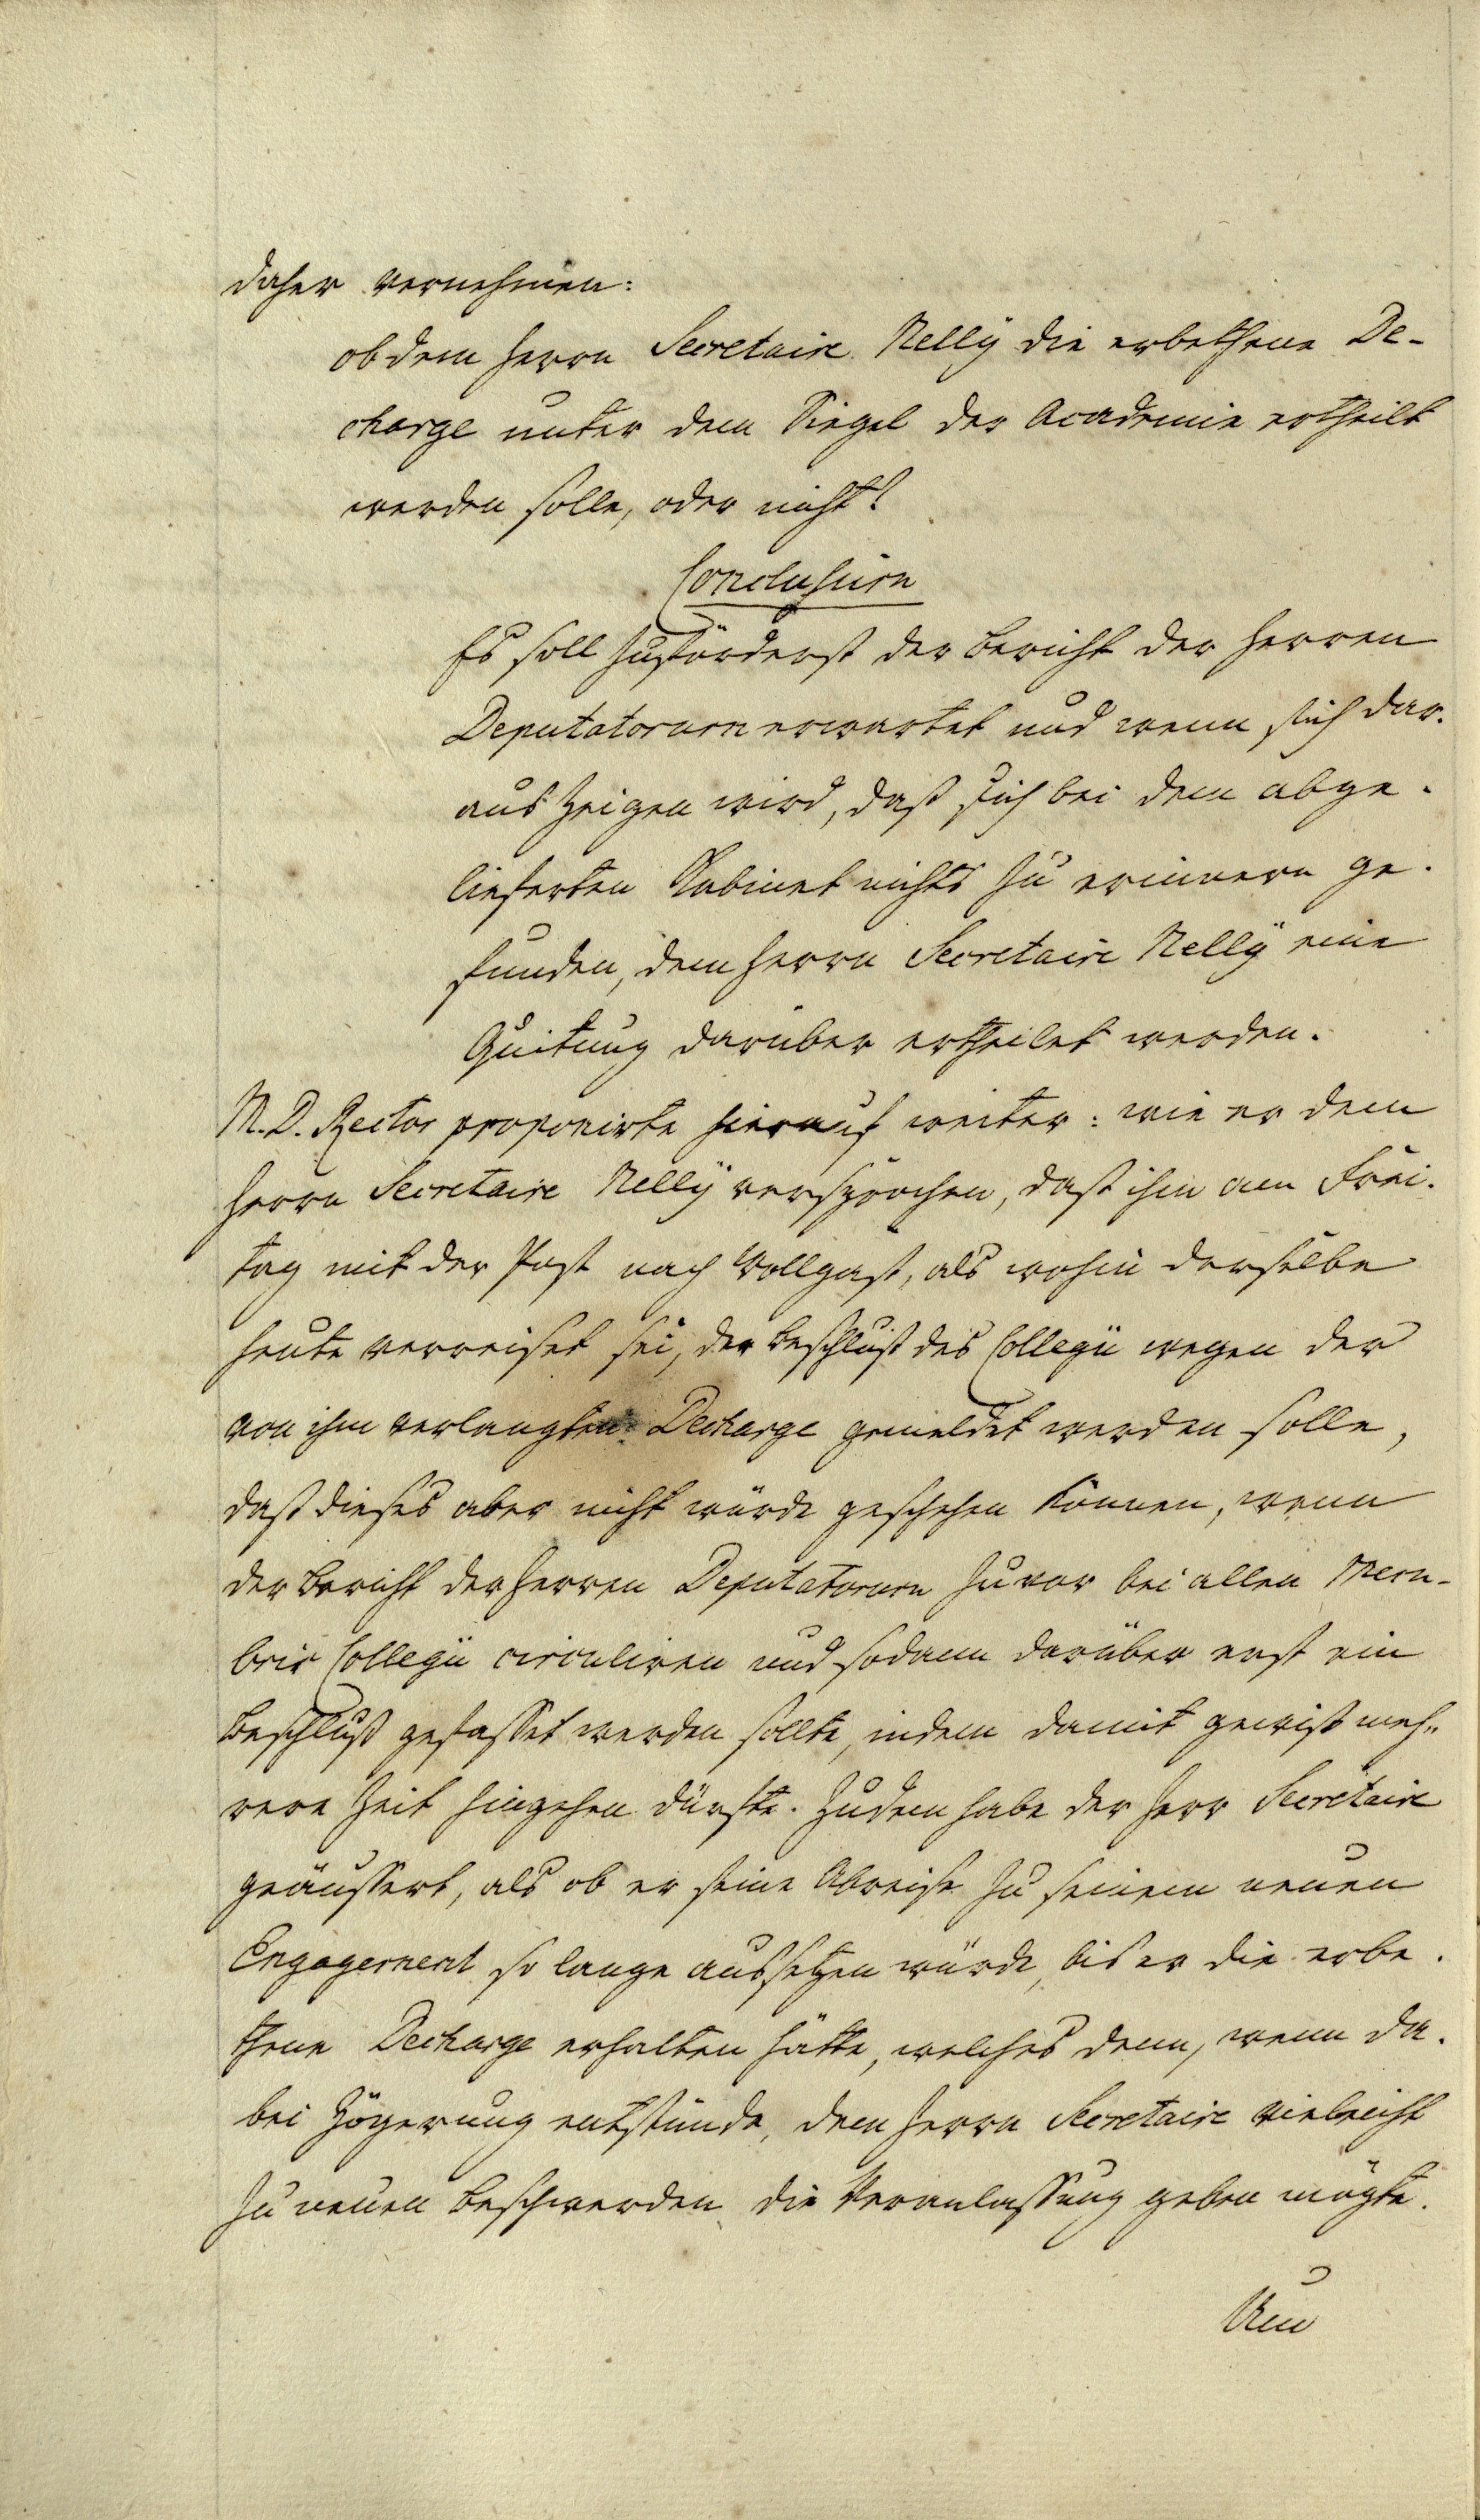daher vernehmen:
ob dem Herrn Secretaire Nellÿ die erbethene De¬
charge unter dem Siegel der Academie ertheilt
werden solle, oder nicht?
Conclusum
Es soll zuförderst der Bericht der Herren
Deputatorum erwartet und wenn sich dar¬
aus zeigen wird, daß sich bei dem abge¬
lieferten Kabinet nichts zu erinnern ge¬
funden, dem Herrn Secretaire Nellÿ eine
Quitung darüber ertheilet werden.
M. D. Rector proponirte hierauf weiter: wie er dem
Herrn Secretaire Nellÿ versprochen, daß ihm am Frei¬
tag mit der Post nach Wollgast, als wohin derselbe
heute verreiset sei, der Beschluß des Collegii wegen der
von ihm verlangten Decharge gemeldet werden solle,
daß dieses aber nicht würde geschehen können, wenn
der Bericht der Herren Deputatorum zuvor bei allen Mem¬
bris Collegii circuliren und sodann darüber erst ein
Beschluß gefasset werden sollte, indem damit gewiß meh¬
rere Zeit hingehen dürfte. Zudem habe der Herr Secretaire
geäussert, als ob er seine Abreise zu seinem neuen
Engagement so lange aussetzen würde, bis er die erbe¬
thene Decharge erhalten hätte, welches denn, wenn da¬
bei Zögerung entstünde, dem Herrn Secretaire vieleicht
zu neuen Beschwerden die Veranlassung geben mögte.
Um